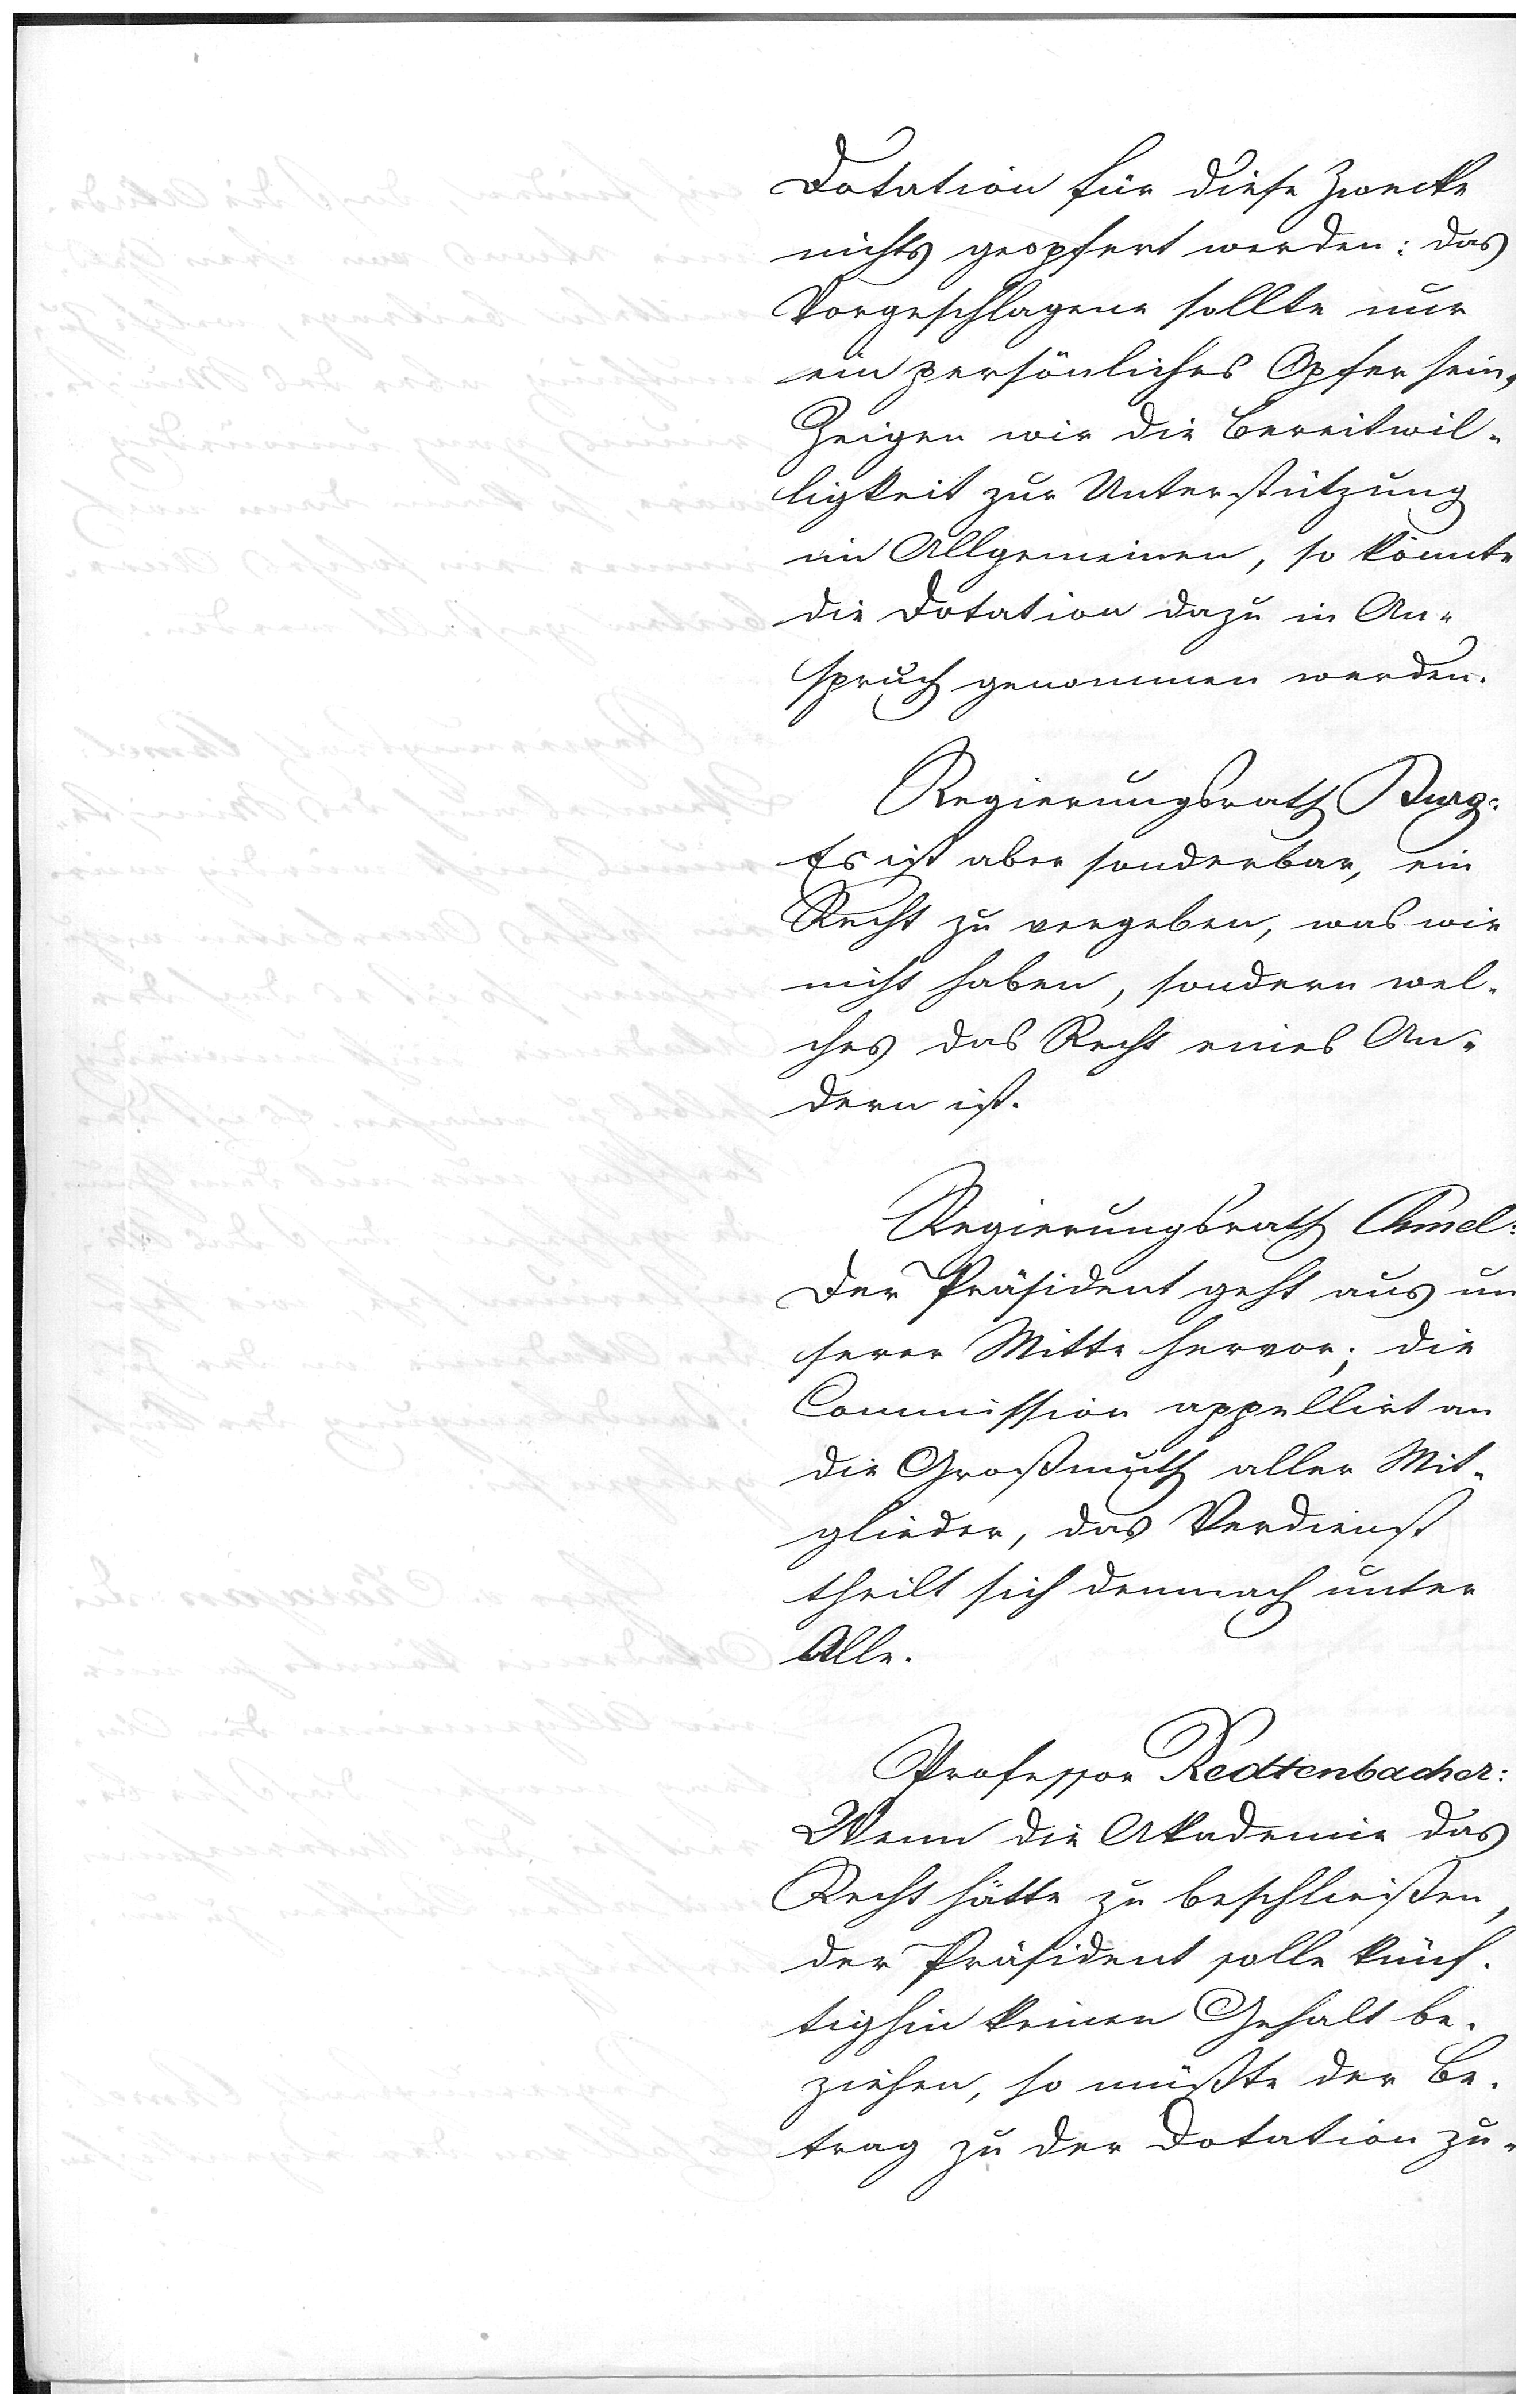Dotation für diese Zwecke
nichts geopfert werden; das
Vorgeschlagene sollte nur
ein persönliches Opfer sein,
Zeigen wir die Bereitwil-
ligkeit zur Unterstützung
in Allgemeinen, so könnte
die Dotation dazu in An-
spruch genommen werden.
Regierungsrath Burg:
Es ist aber sonderbar, ein
Recht zu vergeben, was wir
nicht haben, sondern wel-
ches das Recht eines An-
dern ist.
Regierungsrath Chmel:
Der Präsident geht aus un-
serner Mittel hervor; die
Commission appellirt an
die Großmuth aller Mit-
glieder, das Verdienst
theilt sich demnach unter
Alle.
Professor Redtenbacher:
Wenn die Akademie das
Recht hätte zu beschließen,
der Präsident solle künf-
tighin keinen Gehalt be-
ziehen, so müßte der Be-
trag zu der Dotation zu-